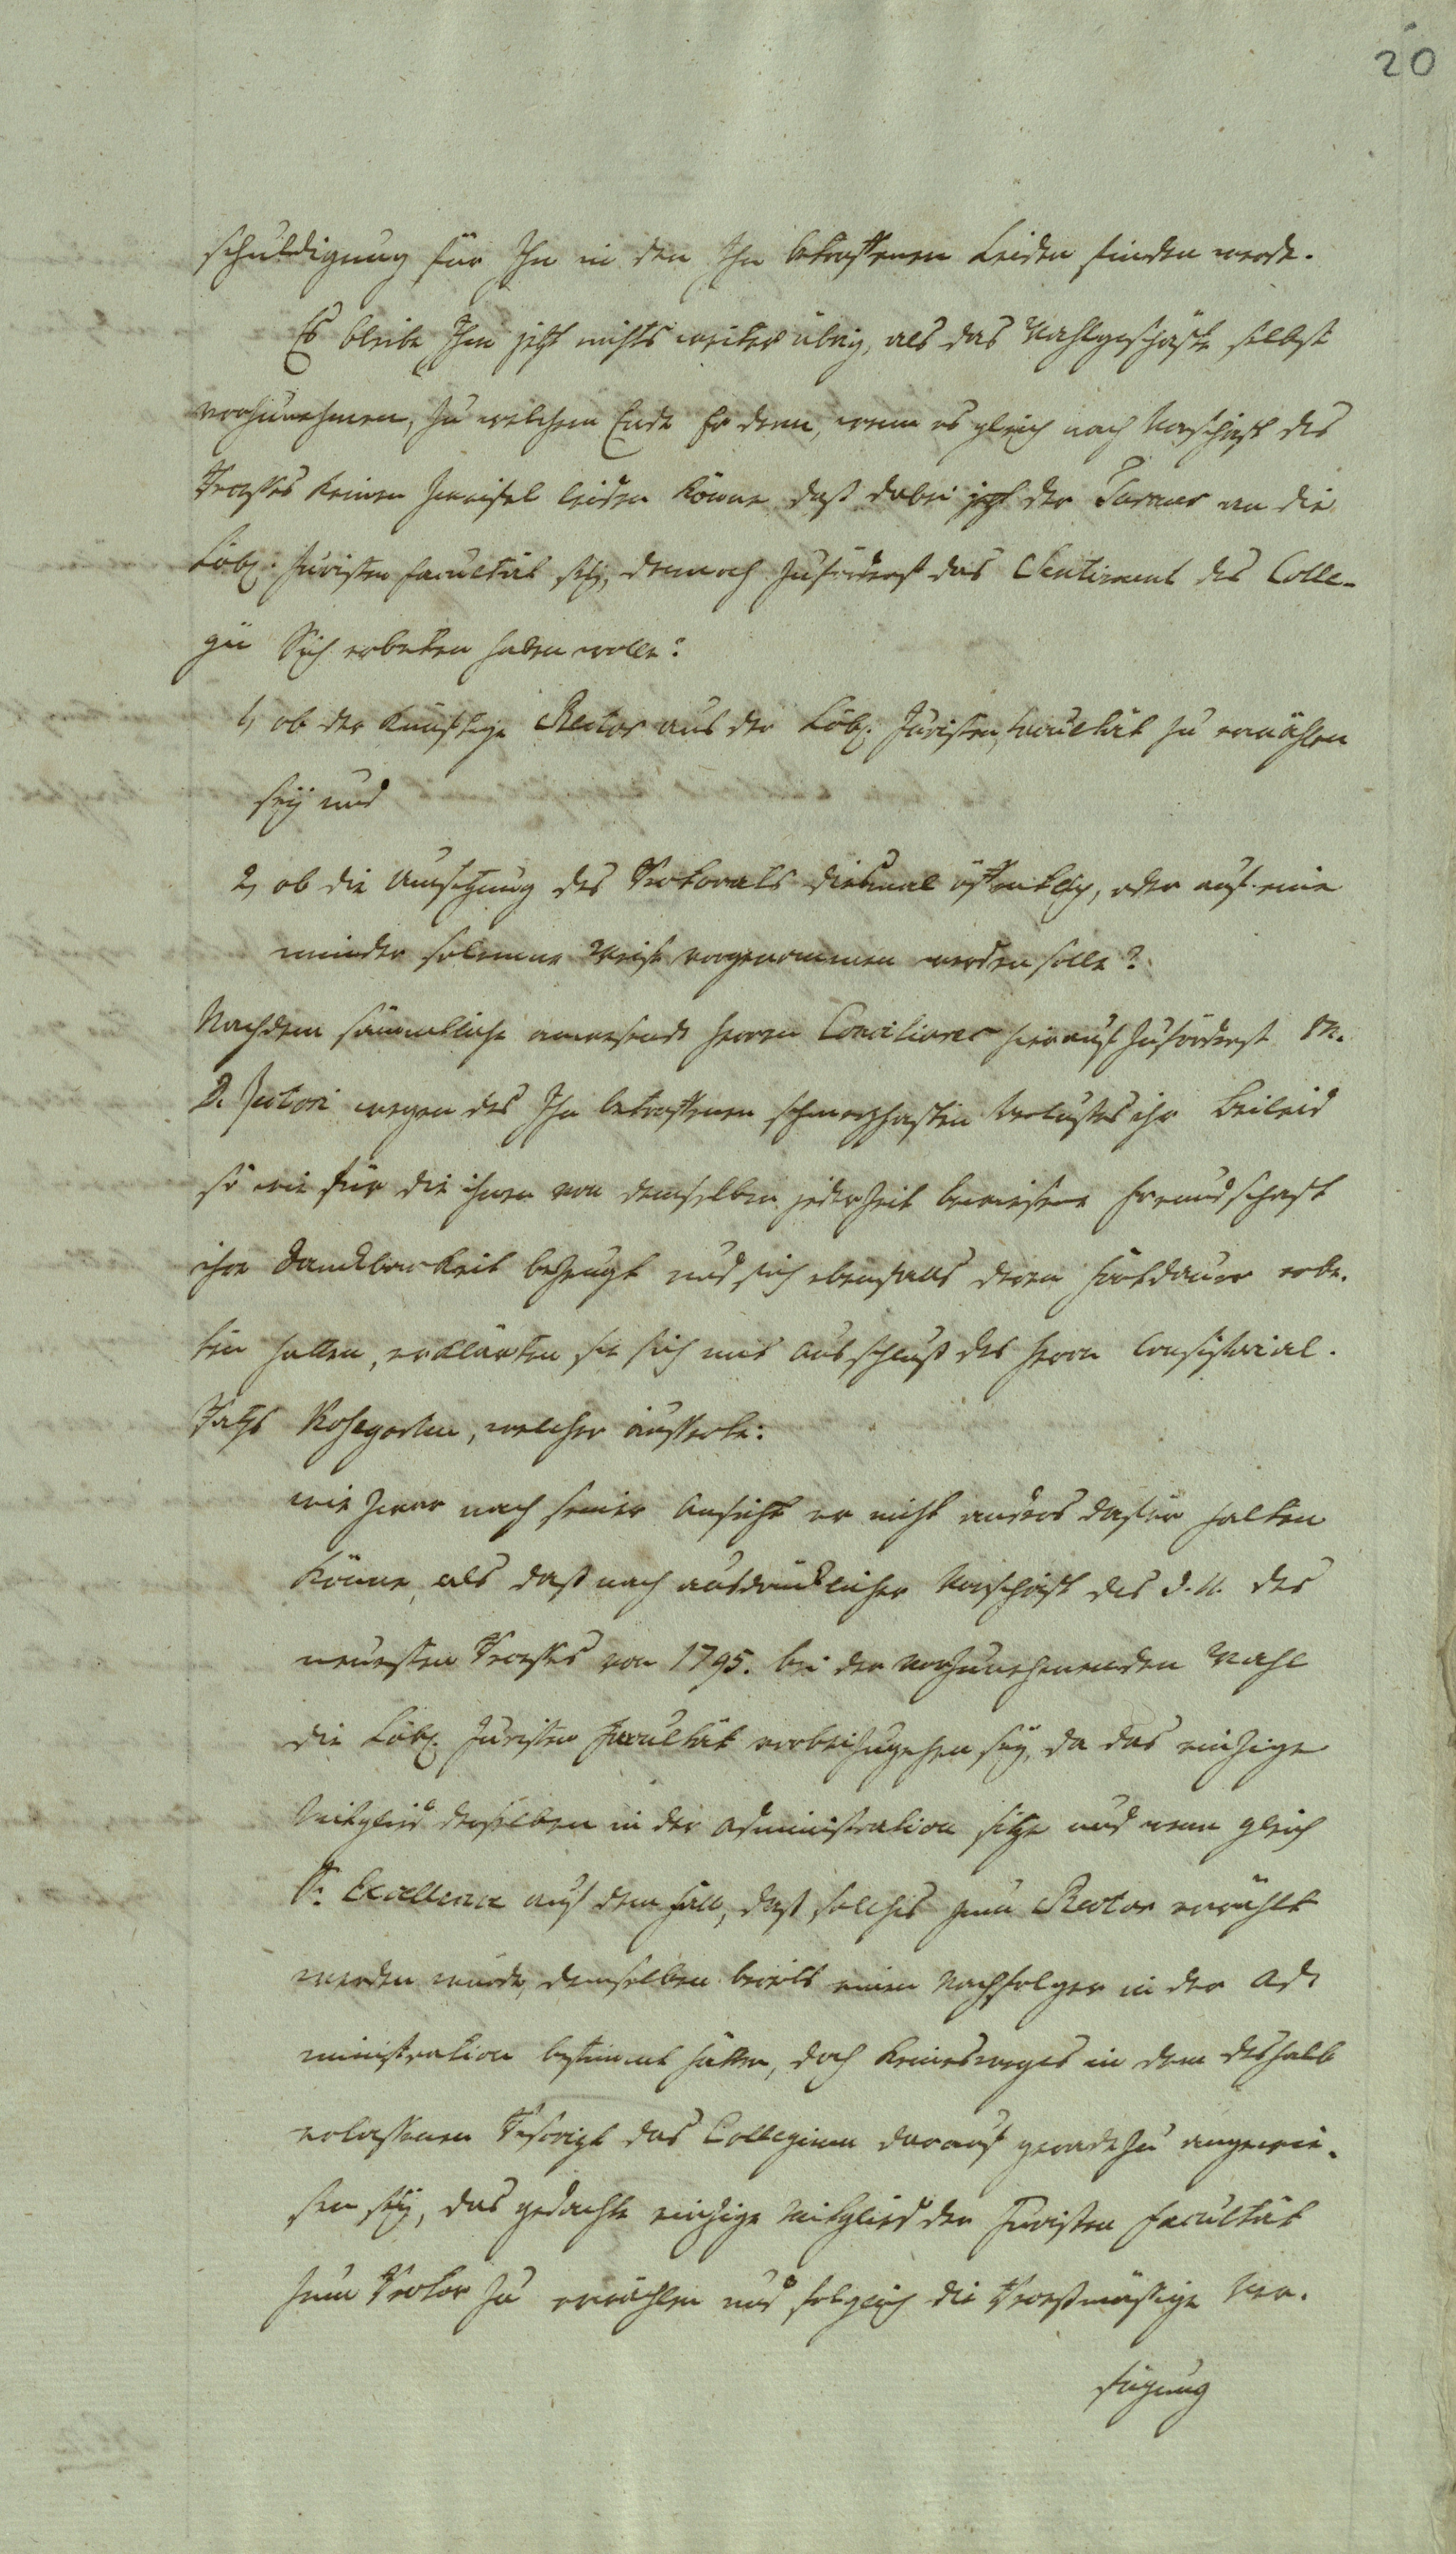schuldigung für Ihn in den Ihn betroffenen Leiden finden werde.
Es bleibe Ihm jetzt nichts weiter übrig, als das Wahlgeschäfte selbst
vorzunehmen, zu welchem Ende Er denn, wenn es gleich nach Vorschrift des
Recesses keinen Zweifel leiden könne, daß dabei jetzt der Turnus an die
Löbl. Juristenfacultät seÿ, dennoch zuförderst das Sentiment des Colle¬
gii Sich erbeten haben wolle:
1, ob der künftige Rector aus der Löbl. Juristenfacultät zu erwählen
seÿ und
2, ob die Umsetzung des Rectorats diesmal öffentlich, oder auf eine
minder solemne Weise vorgenommen werden solle?
Nachdem sämmtliche anwesende Herren Conciliares hierauf zuförderst M.
D. Rectori wegen des Ihn betroffenen schmerzhaften Verlustes ihr Beileid
so wie für die ihnen von demselben jederzeit bewiesene Freundschaft
ihre Danckbarkeit bezeugt und sich ebenfalls deren Fortdauer erbe¬
ten hatten, erklärten sie sich mit Ausschluß des Herrn Consistorial¬
Raths Kosegarten, welcher äusserte:
wie zwar nach seiner Ansicht er nicht anders dafür halten
könne, als daß nach ausdrücklicher Vorschrift des §. 11. des
neuesten Recesses von 1795. bei der vorzunehmenden Wahl
die Löbl. Juristen Facultät vorbeizugehen seÿ, da das einzige
Mitglied derselben in der Administration sitze und wenn gleich
Sr. Excellence auf dem Fall, daß solches zum Rector erwählt
werden würde, demselben bereits einen Nachfolger in der Ad¬
ministration bestimmt hätten, doch keinesweges in dem deshalb
erlassenen Rescript das Collegium darauf geradezu angewie¬
sen seÿ, das gedachte einzige Mitglied der Juristen Facultät
zum Rector zu erwählen und folglich die Receßmässige Ver¬
fügung